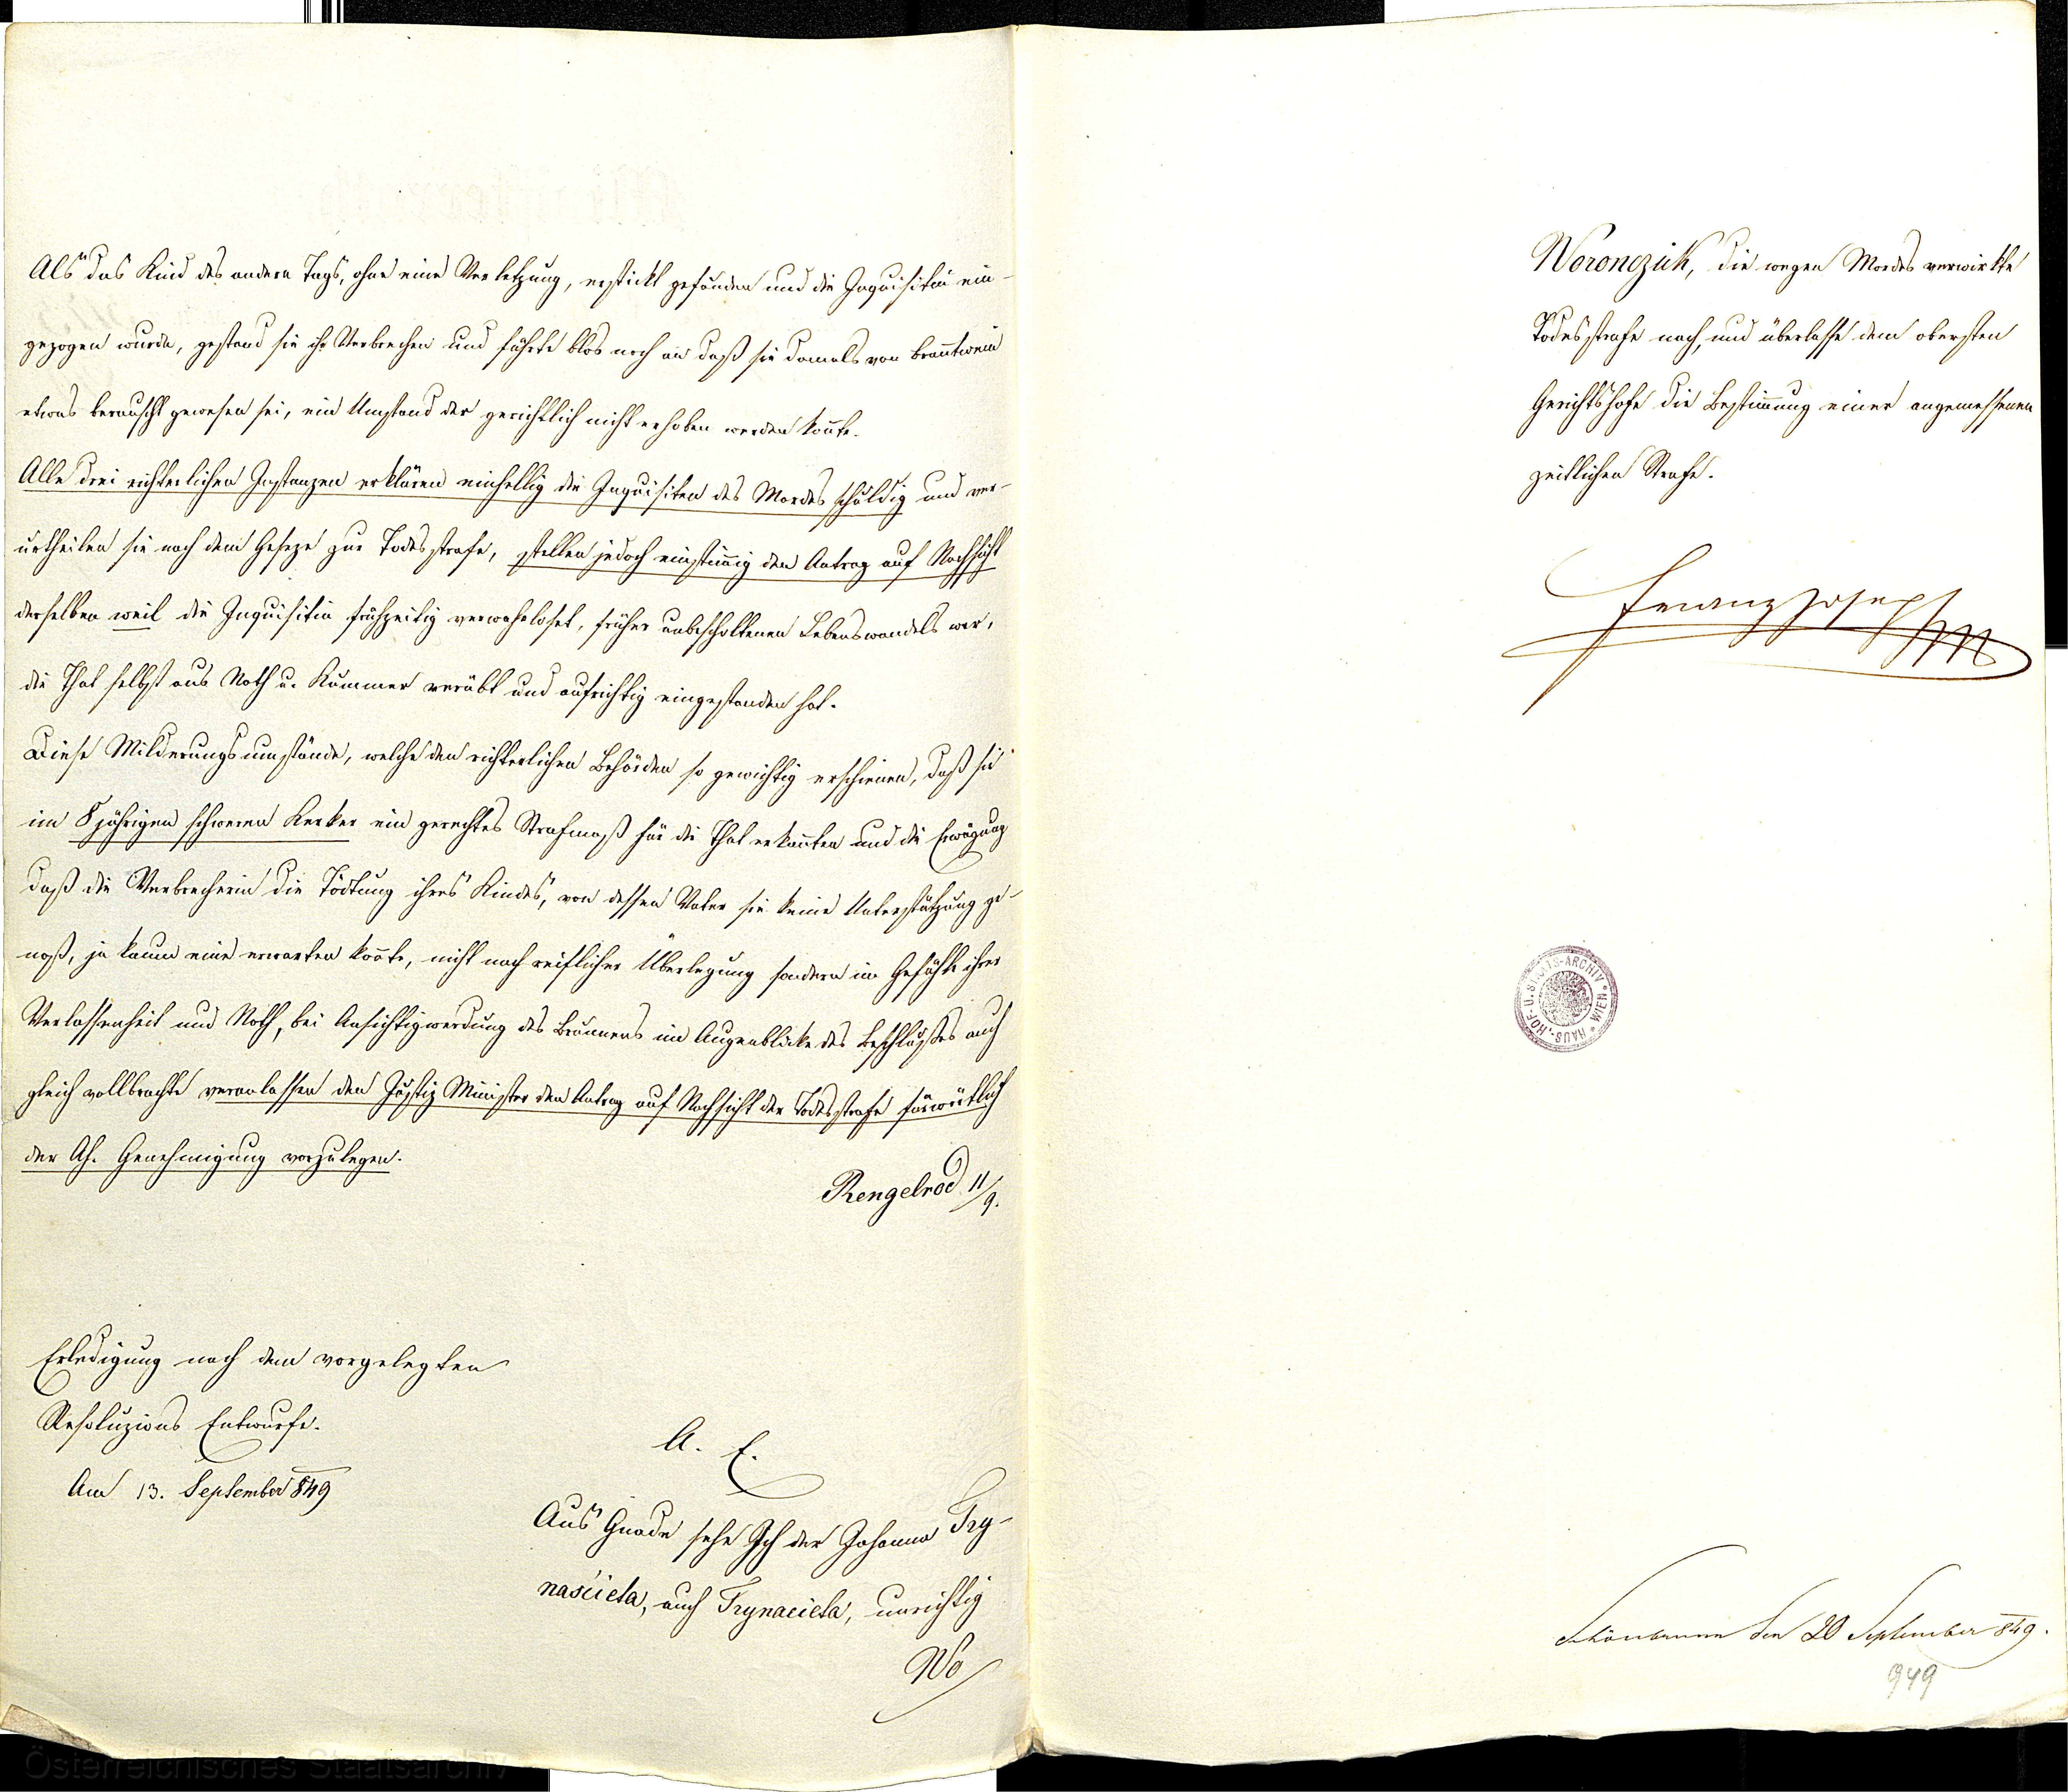Als das Kind des andern Tags, ohne eine Verletzung, erstickt gefanden und die Inquisitin ein¬
gezogen wurde, gestand sie ihr Verbrechen und führte blos noch an daß sie damals von Branntwein
etwas berauscht gewesen sei, ein Umstand der gerichtlich nicht erhoben warden konnte.
Alle drei richterlichen Instanzen erklären einhellig die Inquisitin des Mordes schuldig und ver¬
urtheilen sie nach dem Geseze zur Todesstrafe, stellen jedoch einstimmig den Antrag auf Nachischt
derselben weil die Inquisitin frühzeitig verwahroset, früher unbescholtenen Lebenswandel war,
die That selbst aus Noth u. Kummer verübt und aufrichtig eingestanden hat.
Diese Milderungsumstände, welche den richterlichen Behörden so gewichtig erscheinen, daß sie
ein 8jährigen schweren Kerker ein gerechtes Strafmaß für die That erkannten und die Erwägung
daß die Verbrecherin die Tödtung ihres Kindes, von dessen Vater sie keine Unterstützung ge¬
noß, ja kaum eine erwarten konnte, nicht noch reiflicher Überlegung sondern im Gefühle ihrer
Verlassenheit und Noth, bie Ansichtigwerdung des Brunnens in Augenblicke des Beschlußes auch
gleich vollbrachte veranlassen den Justiz Minister den Antrag auf Nachsicht der Todesstrafe fürwütlich
der Ah. Genehmigung vorzulegen.
Rengelrod 11/9
Erledigung nach den vorgelegten
Resoluzions Entwurfe
Am 13. September 849
AE
Aus Gnade sehe Ich der Johanna Try¬
naścieta, auch Trynacieta, unrichtig
Ano
Woronczuk, die wegen Mordes verwirkte
Todesstrafe nach, und überlasse dem obersten
Gerichtshofe die Bestimmung einer angemessenen
zeitlichen Strafe.
Franz Joseph
Schönbrunn den 20. September 849
949